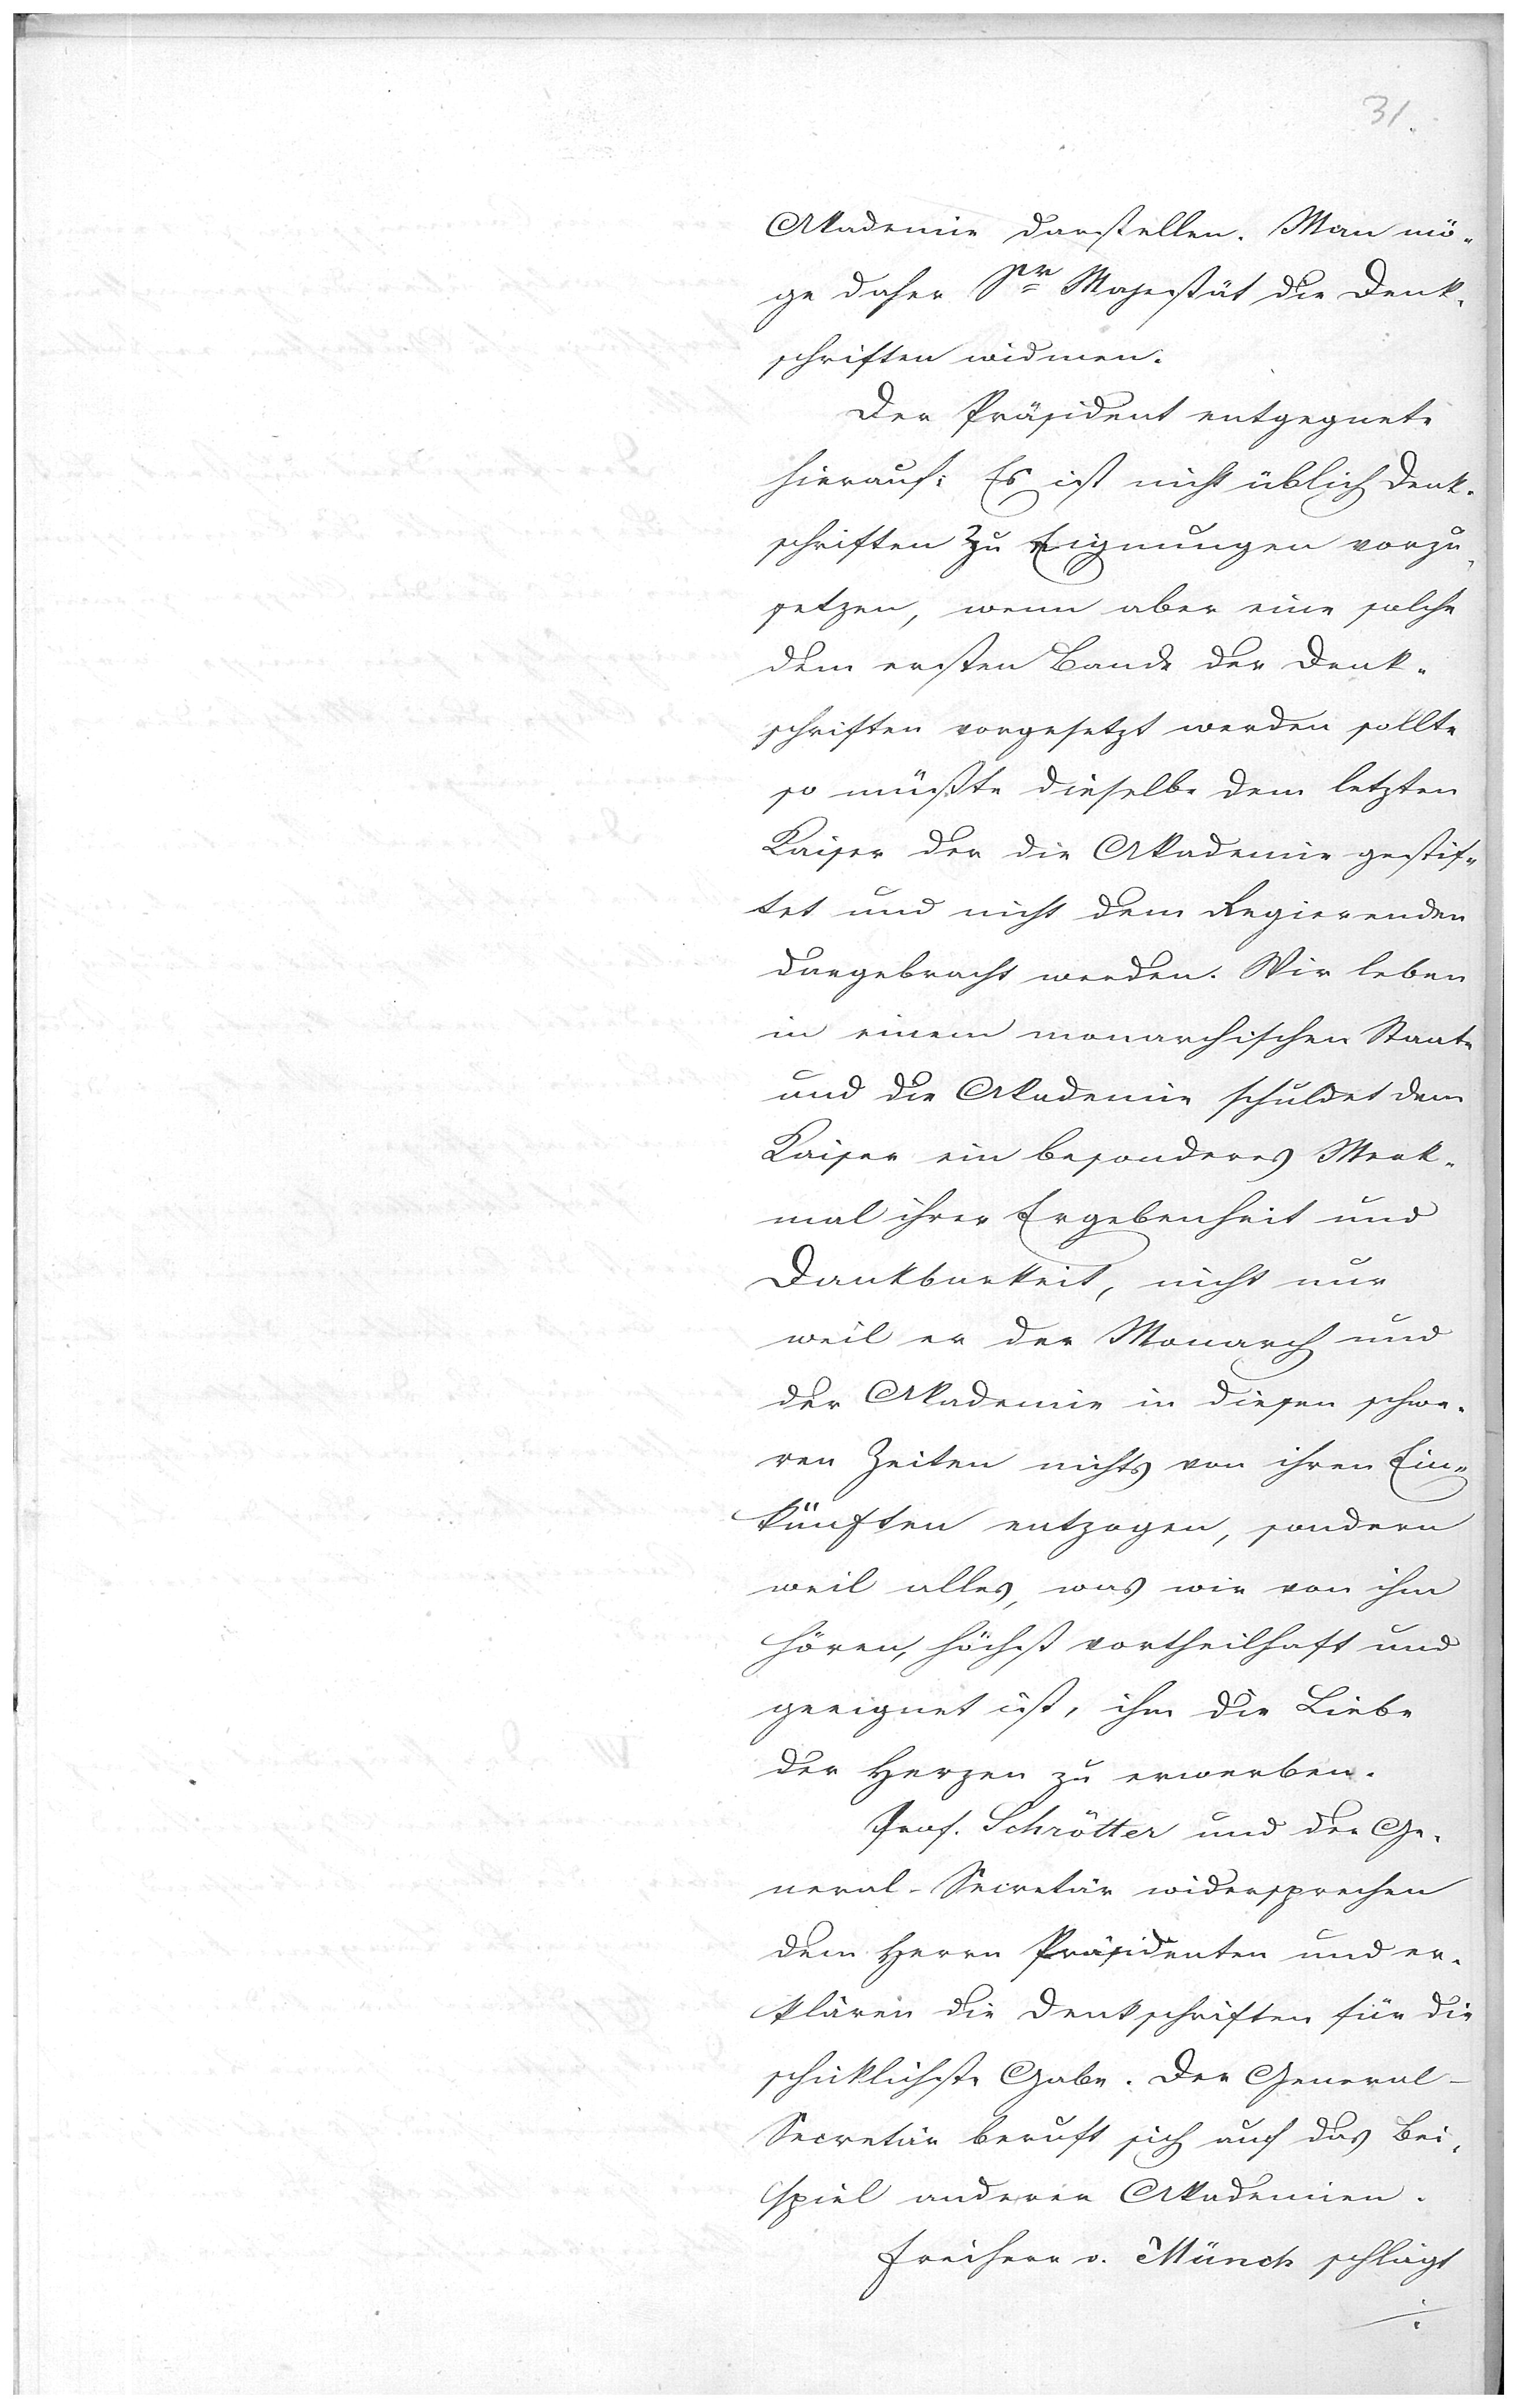Akademie darstellen. Man mö-
ge daher Sr Majestät die Denk-
schriften widmen.
Der Präsident entgegnete
hierauf. Es ist nicht üblich Denk-
schriften Zu Eignungen vorzu-
setzen, wenn aber eine solche
dem ersten Bande der Denk-
Schriften vorgesetzt werden sollte
so müßte dieselbe dem letzten
Kaiser der die Akademie gestif-
tet und nicht dem Regierenden
dargebracht werden. Wir leben
in einem monarchischen Staate
und die Akademie schuldet dem
Kaiser ein besondere Merk-
mal ihrer Ergebenheit und
Dankbarkeit, nicht nur
weil er der Monarch und
der Akademie in diesen schwe-
ren Zeiten nichts von ihren Ein-
künften entzogen, sondern
weil alles, was wir von ihm
hören, höchst vortheilhaft und
geeignet ist, ihm die Liebe
der Herzen zu erwerben.
Prof. Schrötter und der Ge-
neral-Secretär widersprechen
dem Herren Präsidenten und er-
erklären die Denkschriften für die
schicklichste Gabe. Der General-
Secretär beruft sich auf das Bei-
spiel anderen Akademien.
Freiherr v. Münch schlägt